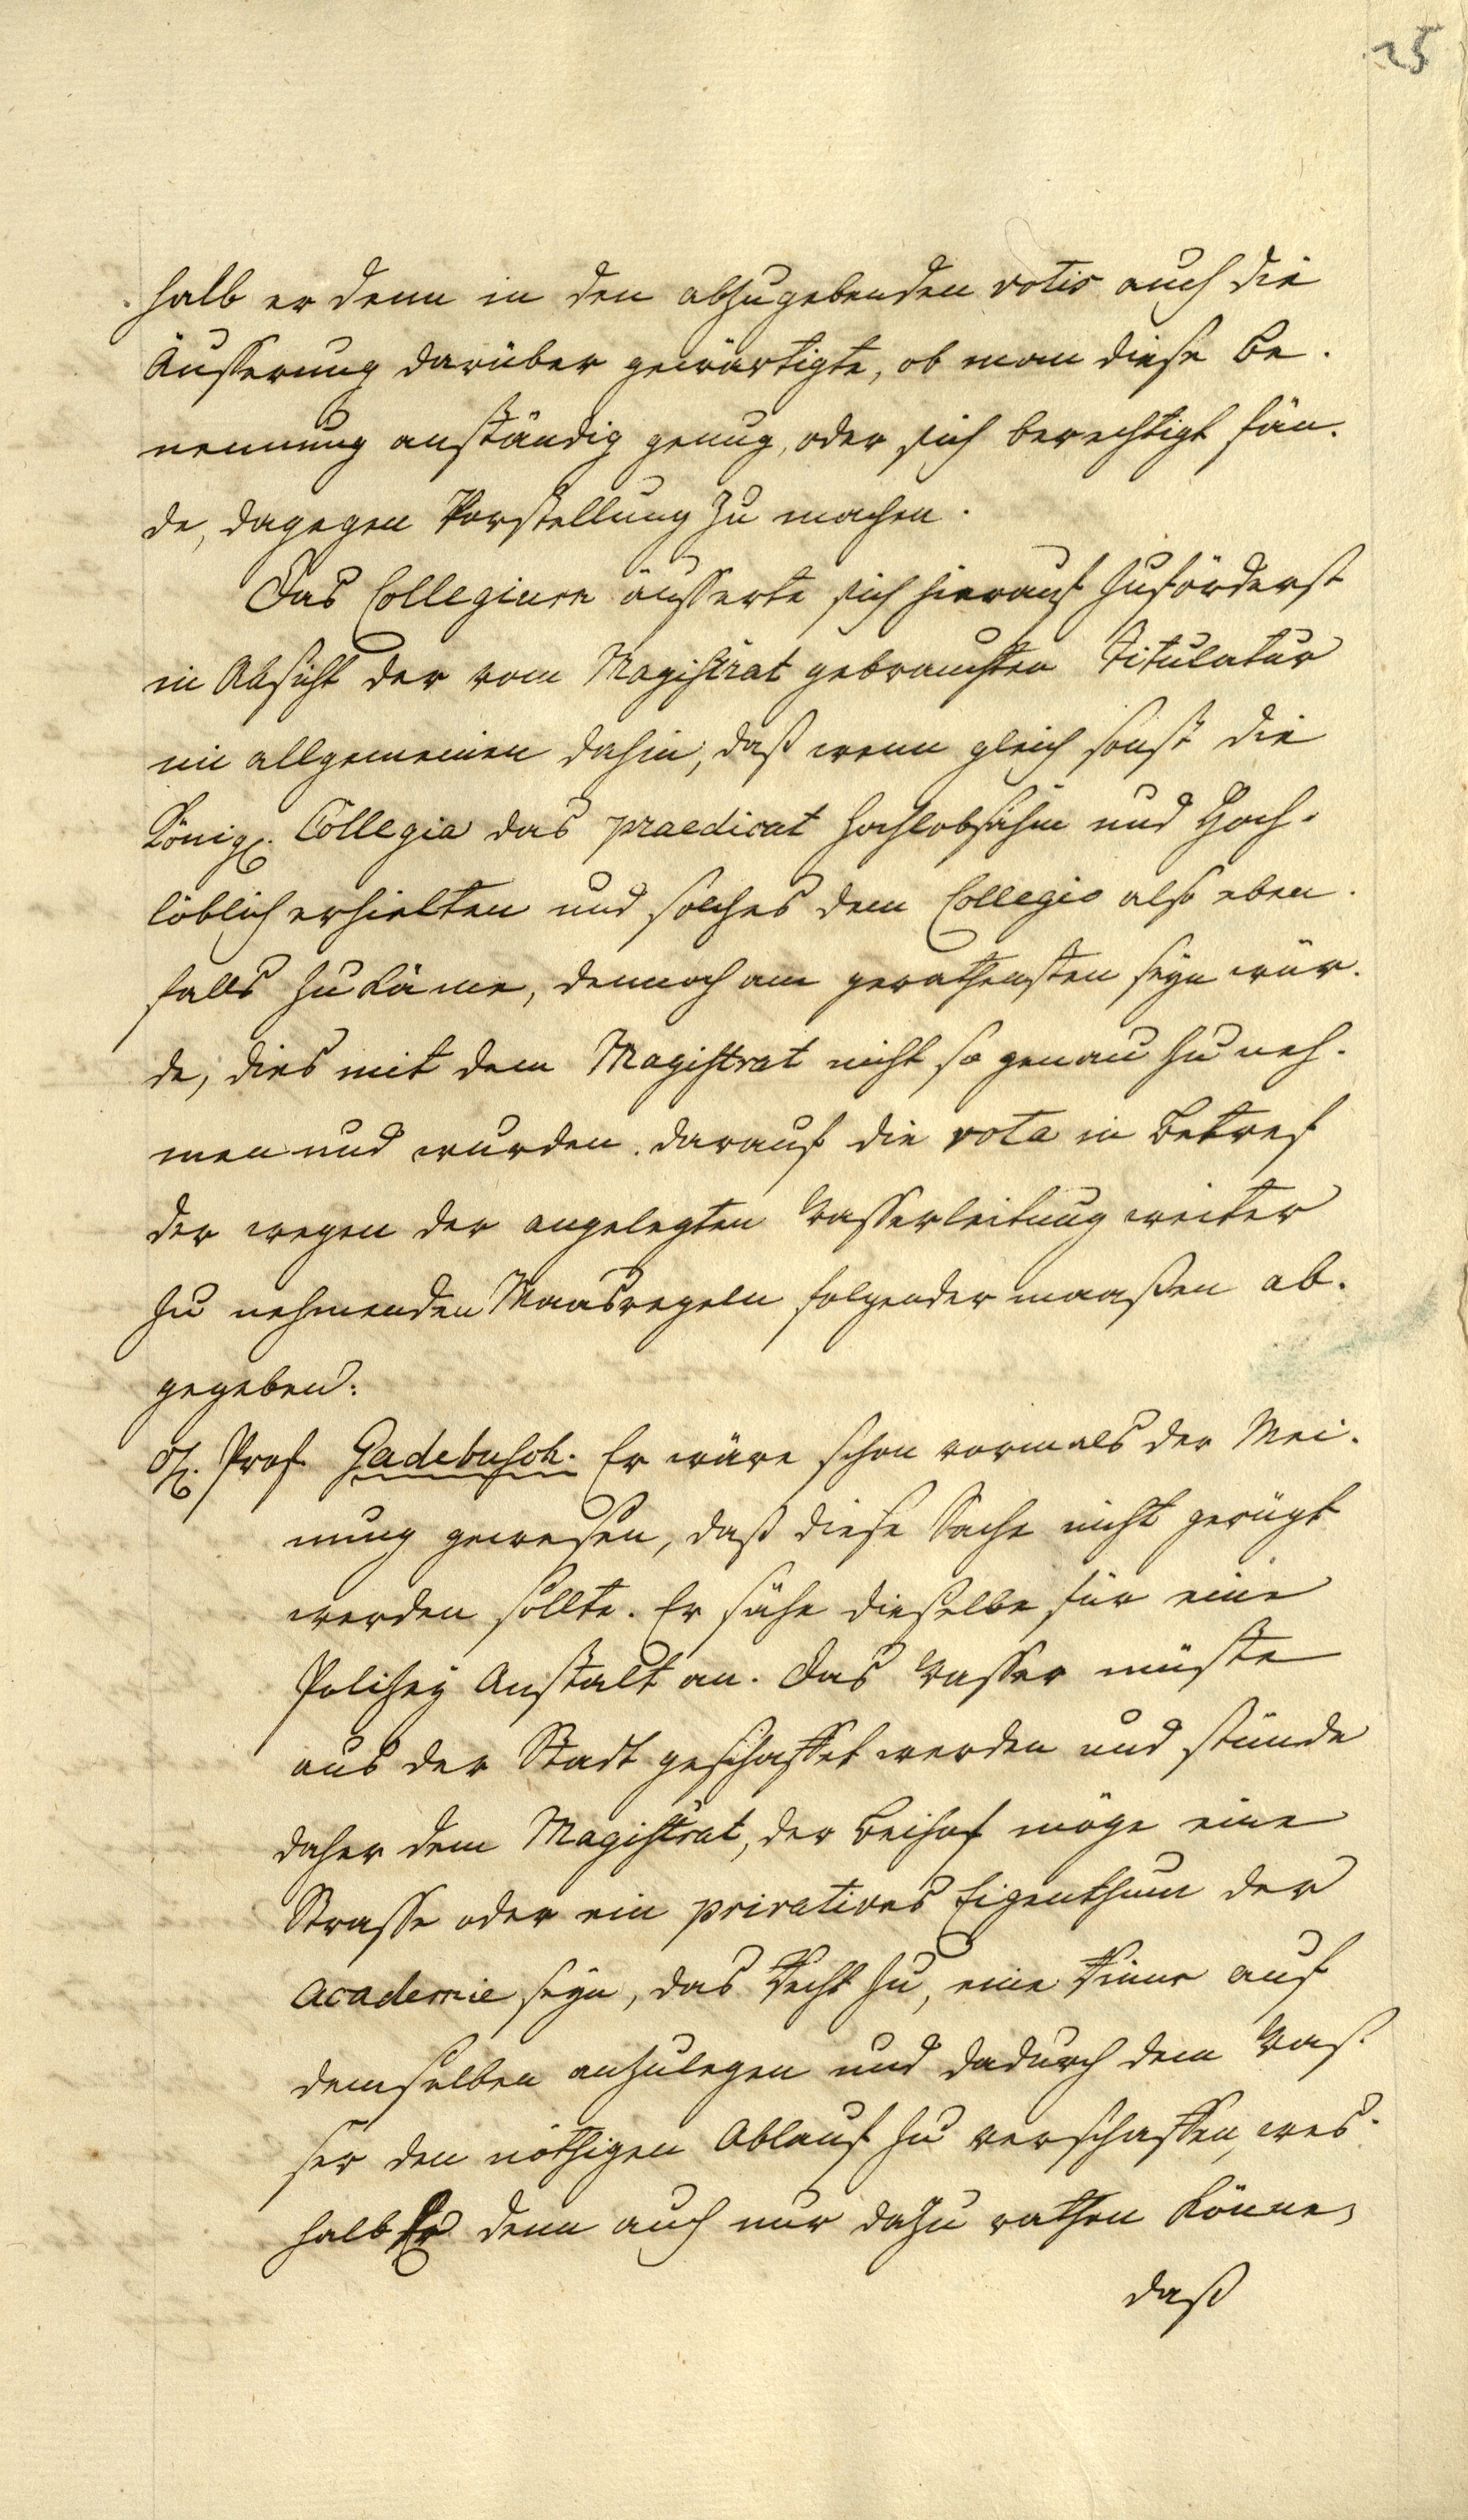halb er denn in den abzugebenden votis auch die
Äusserung darüber gewärtigte, ob man diese Be-
nennung anständig genug, oder sich berechtigt fän-
de, dagegen Vorstellung zu machen.
Das Collegium äusserte sich hierauf zuförderts
in Absicht der vom Magistrat gebrauchten Titulatur
im allgemeinen dahin, daß wenn gleich sonst die
Königl. Collegia das praedicat hochlobsahm und hoch-
löblich erhielten und solches dem Collegio also eben-
falls zukäme, dennoch am gerathensten seyn wür-
de, dies mit dem Magistrat nicht so genau zu neh-
men und wurden darauf die vota in Betref
der wegen der angelegten Wasserleitung weiter
zu nehmenden Maasregeln folgendermaaßen ab-
gegeben:
dh. Prof. Gadebusch. Er wäre schon vormals der Mei-
nung gewesen, daß diese Sache nicht gerügt
werden sollte. Er sähe dieselbe für eine
Polizey Anstalt an. Das Wasser müßte
aus der Stadt geschaffet werden und stünde
daher dem Magistrat, der Beihof möge eine
Strasse oder ein privatives Eigenthum der
Academie seyn, das Recht zu, eine Rinne auf
demselben anzulegen und dadurch dem Was-
ser den nöthigen Ablauf zu verschaffen, wes-
halb Er denn auch nur dazu rathen könne,
daß